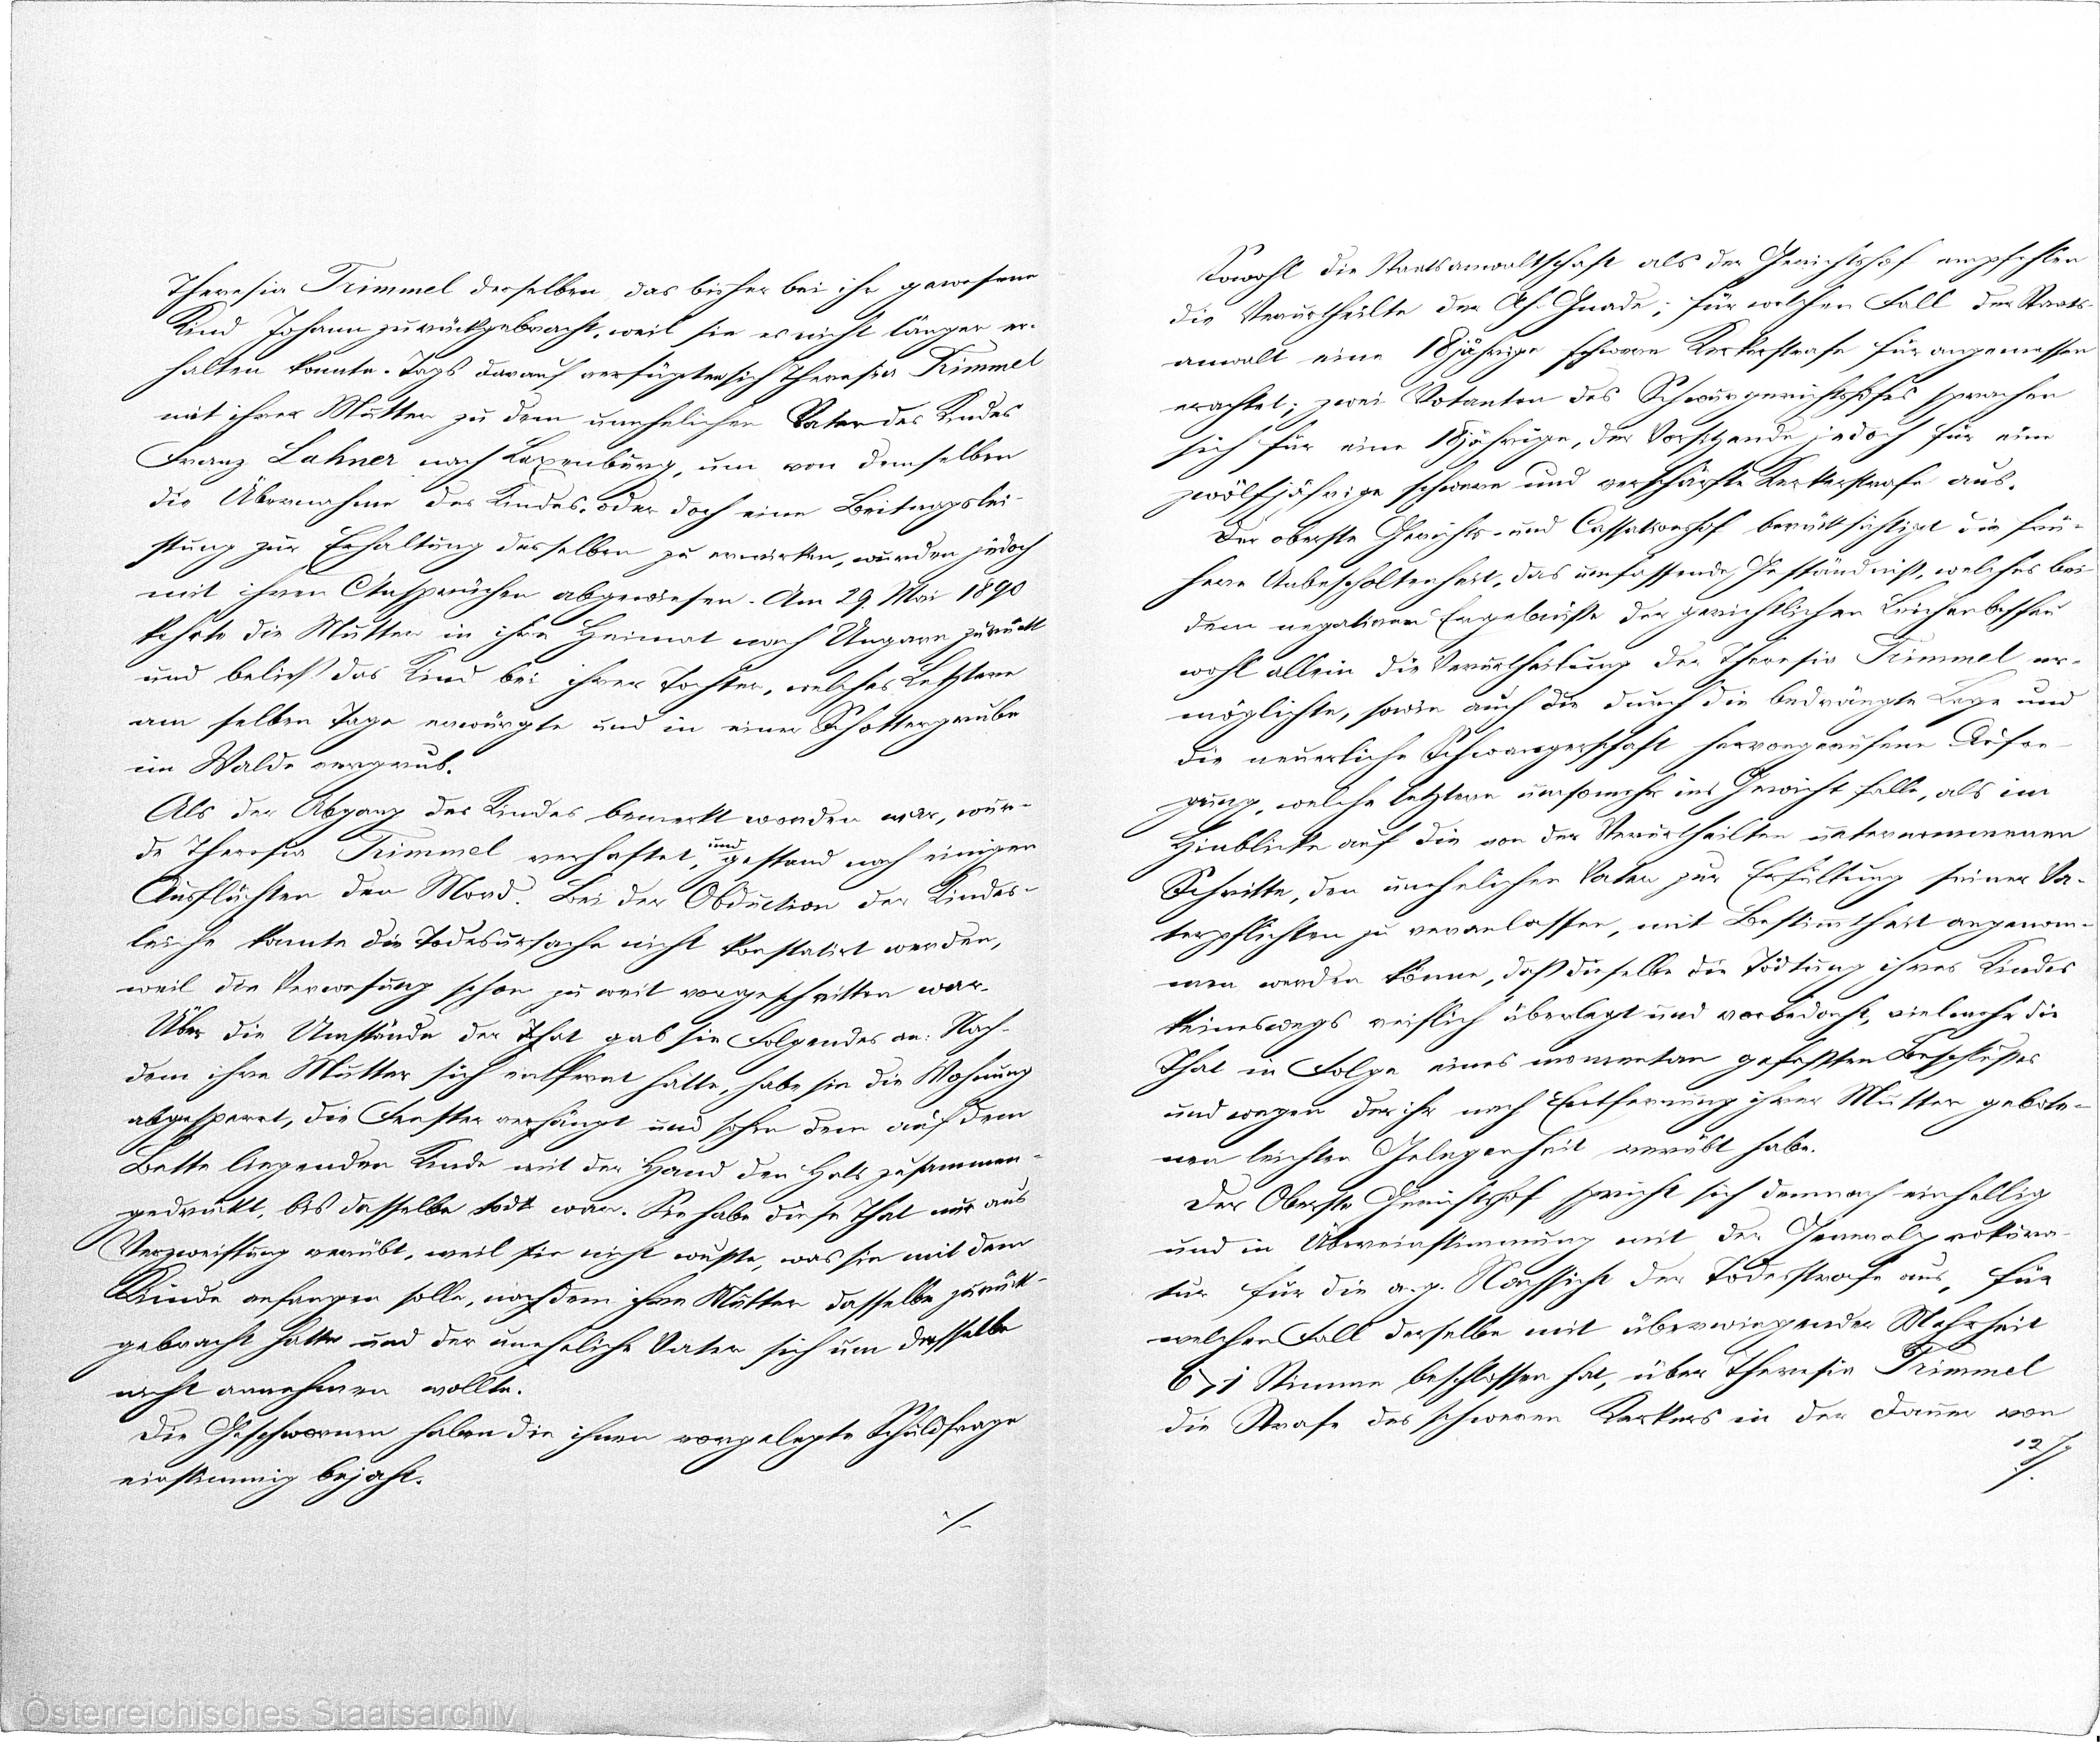Theresia Trimmel derselben das bisher bei ihr gewesene
Kind Johann zurückgebracht, weil sie es nicht länger er¬
halten konnte. Tags darauf verfügten sich Theresia Kimmel
mit ihrer Mutter zu dem unehelichen Vater des Kindes
Franz Lahner nach Laxenburg, um von demselben
die Übernahme des Kindes, oder doch eine Beitragslei¬
stung zur Erhaltung desselben zu erwirken, wurden jedoch
mit ihren Ansprüchen abgewiesen. Am 29. Mai 1890
kehrte die Mutter in ihre Heimat nach Ungarn zurück
und beließ das Kind bei ihrer Tochter, welches Letztere
am selben Tage erwürgte und in einer Schottengrube
im Walde vergrub.
Als der Abgang der Kindes bemerkt worden war, wur¬
und
de Theresia Trimmel verhaftet, gestand nach einigen
Ausfluchten den Mord. Bei der Obduction der Kindes¬
leiche konnte die Todesursache nicht konstatirt werden,
weil die Verwehung schon zu weit vorgeschritten war.
Über die Umstände der That gab sie Folgendes an: Nach¬
dem ihre Mutter sich entfernt hatte, habe sie die Wohnung
abgesperrt, die Fenster verhängt und sohin dem auf dem
Bette liegenden Kinde mit der Hand den Hals zusammen¬
gedrückt, bis dasselbe todt war. Sie habe diese That nur aus
Verzweiflung verübt, weil sie nicht wußte, was sie mit dem
Kinde anfangen solle, nachdem ihre Mutter dasselbe zurück¬
gebracht hatte und der uneheliche Vater sich um dasselbe
nicht annehmen wollte.
Die Geschwornen haben die ihnen vorgelegte Schuldfrage
einstimmig bejaht.
Sowohl die Staatsanwaltschaft als der Gerichtshof empfehlen
die Verurtheilte der Ah. Gnade; für welchen Fall der Staats¬
anwalt eine 18jährige, schwere Kerterstrafe sie angemessen
erachttet; zwei Votanten des Schröngereichtsxxxses sperachen
sich für eine 18 jährige, der Vorsitzende jedoch für eine
zwölfjährige schwere und verschärfte Kerkerstrafe aus.
Der oberste Gerichts- und Cassationshof berücksichtigt die frü¬
here Unbescholtenheit, das umfassende Geständniß, welches bei¬
dem negativen Ergebniße der gerichtlichen Leichen xx
wohl allein die Verurtheilung der Theresia Trimmel er¬
möglichte, sowie auch die durch die bedrängte Lage und
die neuerliche Schwangerschaft hervorgerufene Aufre¬
gung, welche letztere umsomehr ins Gewicht falle, als im
Hinblicke auf die von der Verurtheilten unternommenen
Schritte, den unehelichen Vater zur Erfüllung seiner Va¬
terpflichten zu veranlassen, mit Bestimmtheit angenom¬
men werden könne, daß dieselbe die Tödtung ihres Kindes
keineswegs reiflich überlegt und vorbedacht, vielmehr die
That in Folge eines momentan gefaßten Beschlußes
und wegen der ihr nach Entfernung ihrer Mutter gebote¬
nen leichter Gelegenheit verübt habe.
Der Oberste Gerichtshof spricht sich demnach einhellig
und in Überreinstimmung mit der Generalprokura¬
tur für die a. g. Nachsicht der Todesstrafe aus, für
welchen Fall derselbe mit überwiegender Mehrheit
6>1 Stimme beschlossen hat, über Theresia Trimmel
die Strafe des schweren Kerkers in der Dauer von
12J